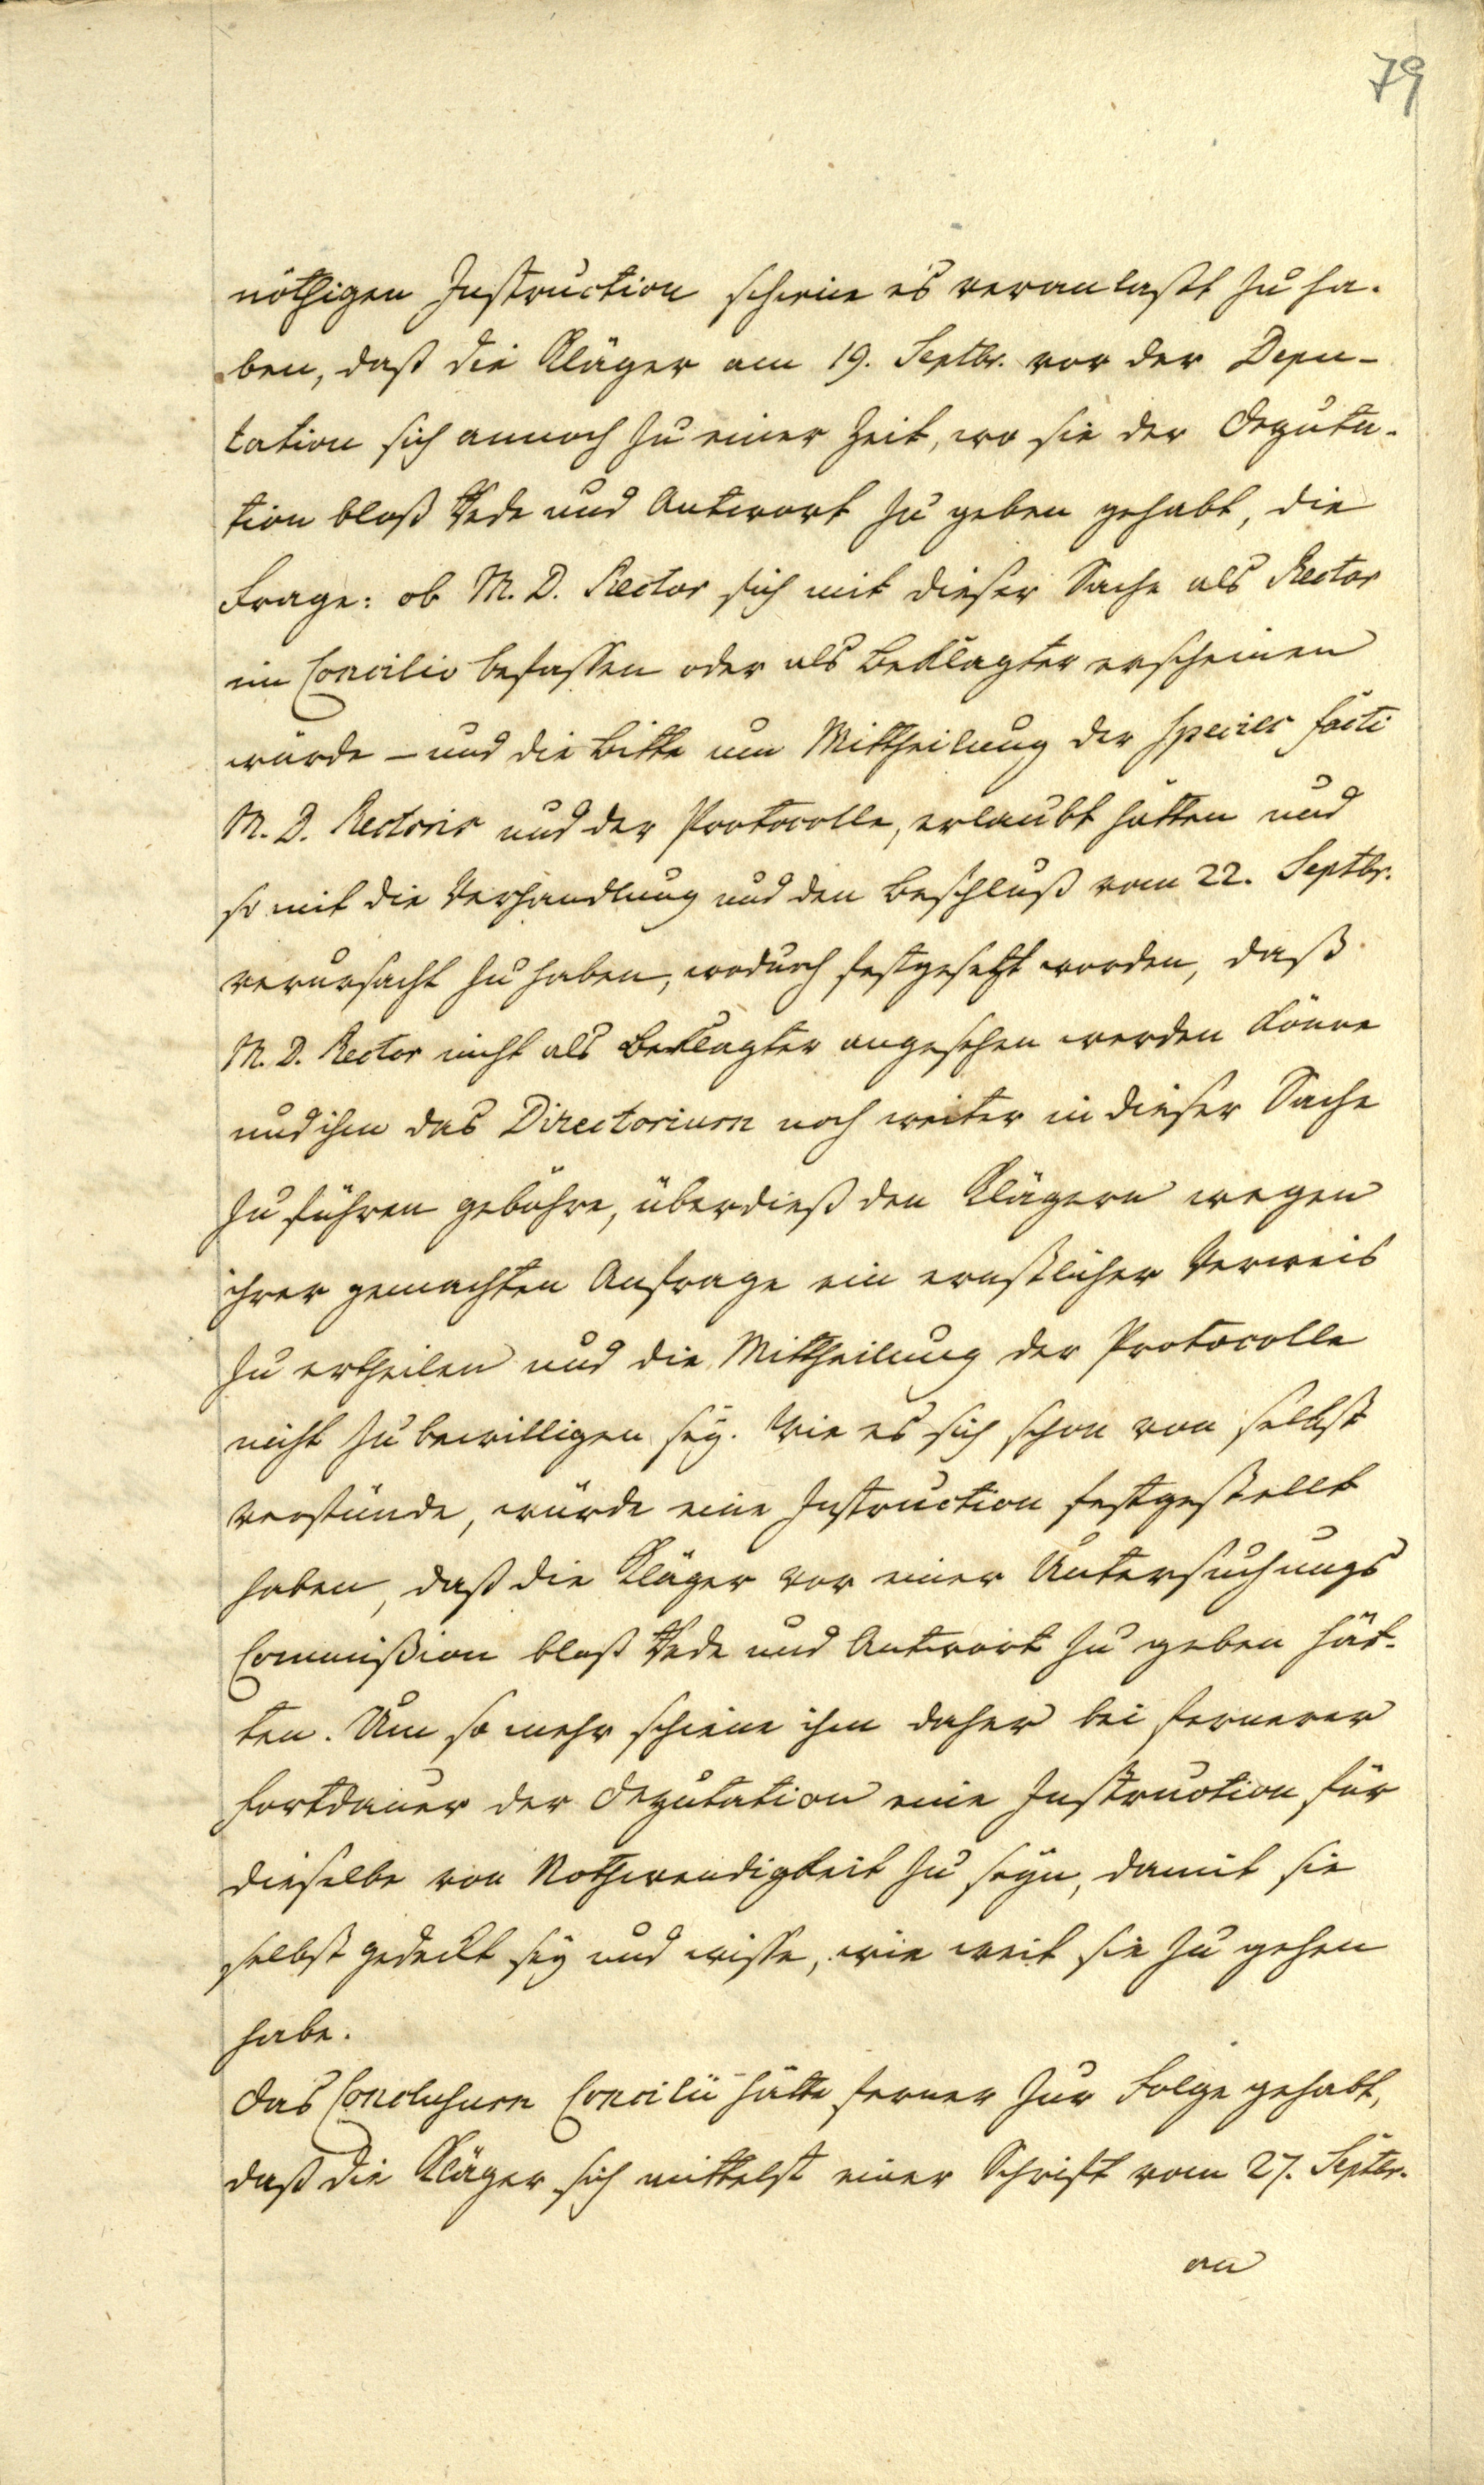nöthigen Instruction scheine es veranlaßt zu ha
ben, daß die Kläger am 19. Septbr. vor der Depu¬
tation sich annoch zu einer Zeit, wo sie der Deputa¬
tion bloß Rede und Antwort zu geben gehabt, die
Frage: ob M. D. Rector sich mit dieser Sache als Rector
im Concilio befassen oder als Beklagter erscheinen
würde - und die Bitte um Mittheilung der Species Facti
M. D. Rectoris und der Protocolle, erlaubt hätten und
so mit die Verhandlung und den Beschluß vom 22. Septbr.
verursacht zu haben, wodurch festgesetzt worden, daß
M. D. Rector nicht als Beklagter angesehen werden könne
und ihm das Directorium noch weiter in dieser Sache
zu führen gebühre, überdieß den Klägern wegen
ihrer gemachten Anfrage ein ernstlicher Verweis
zu ertheilen und die Mittheilung der Protocolle
nicht zu bewilligen seÿ. Wie es sich schon von selbst
verstünde, würde eine Instruction festgestellt
haben, daß die Kläger vor einer Untersuchungs
Commission bloß Rede und Antwort zu geben hät¬
ten. Um so mehr schiene ihm daher bei fernerer
Fortdauer der Deputation eine Instruction für
dieselbe von Nothwendigkeit zu seÿn, damit sie
selbst gedeckt seÿ und wisse, wie weit sie zu gehen
habe.
Das Conclusum Concilii hätte ferner zur Folge gehabt,
daß die Kläger sich mittelst einer Schrift vom 27. Septbr.
an